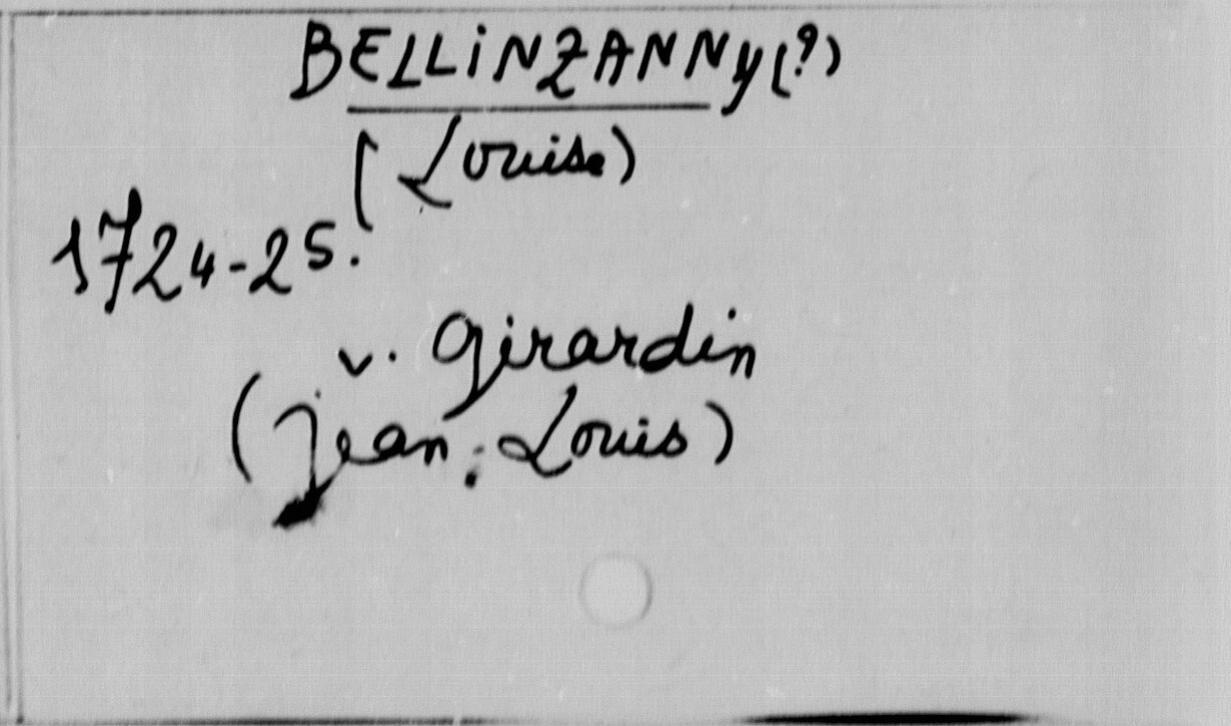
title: BELLINZANNY (?) (Louise)
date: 1724-1725
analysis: Voir Girardin (Jean-Louis)
